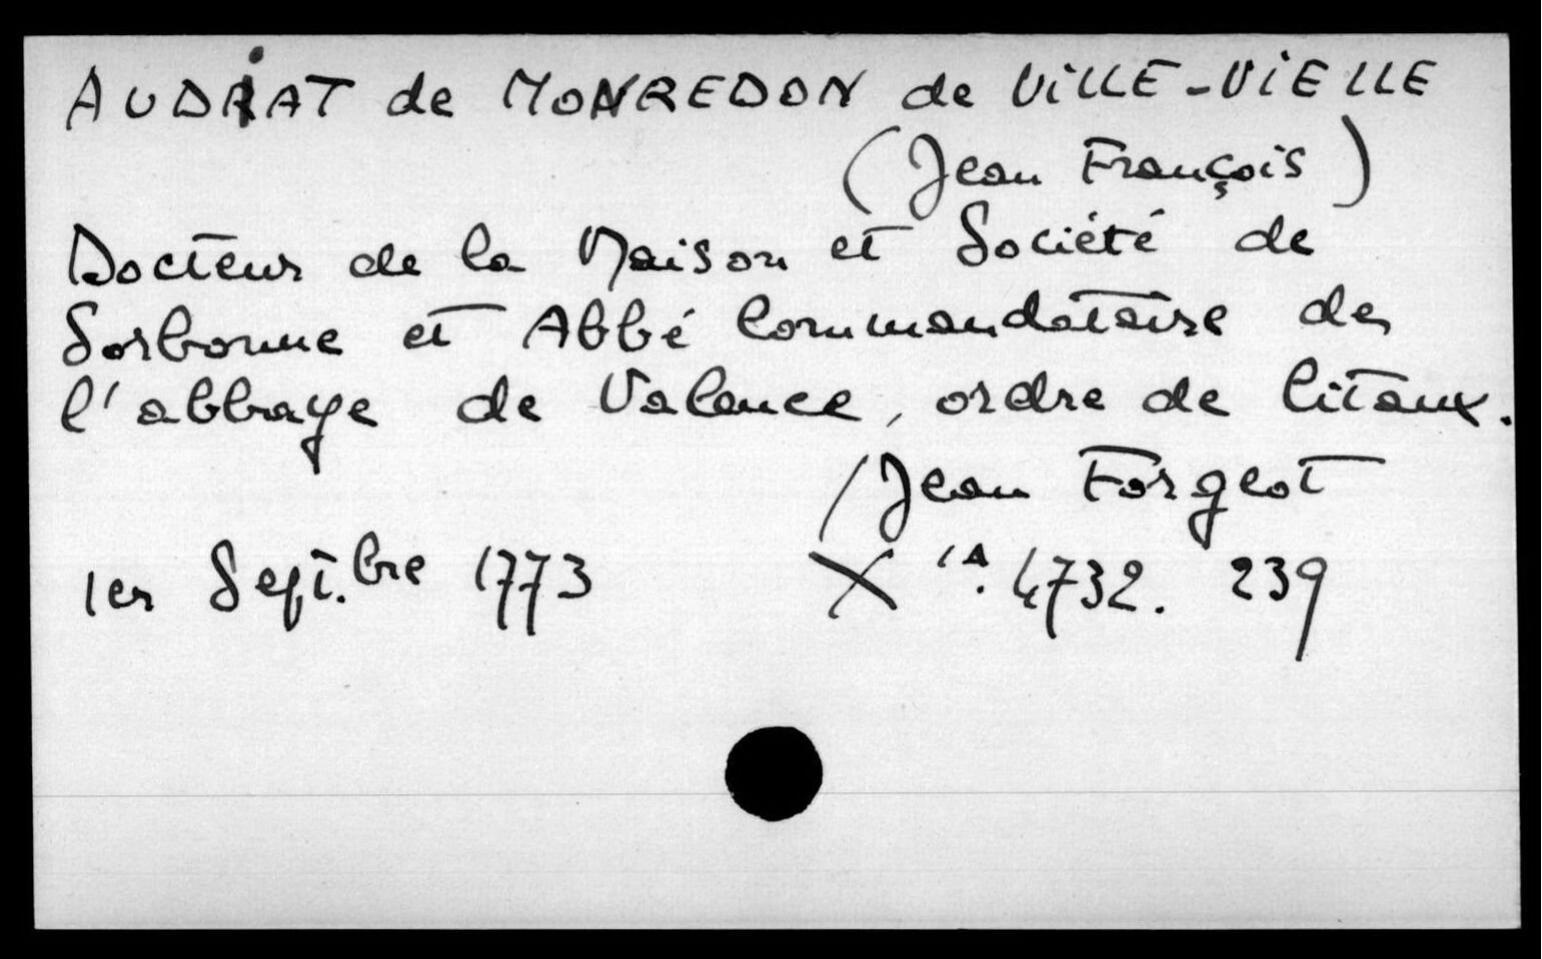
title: AUDIAT de MONREDON de VILLE-VIELLE (Jean François) Docteur de la Maison et Société de Sorbonne et abbé commendataire de l'abbaye de Valence, ordre de Citaux
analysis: Contre Jean Forgeot
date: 1 septembre 1773
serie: X1A
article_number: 4732
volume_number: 239
